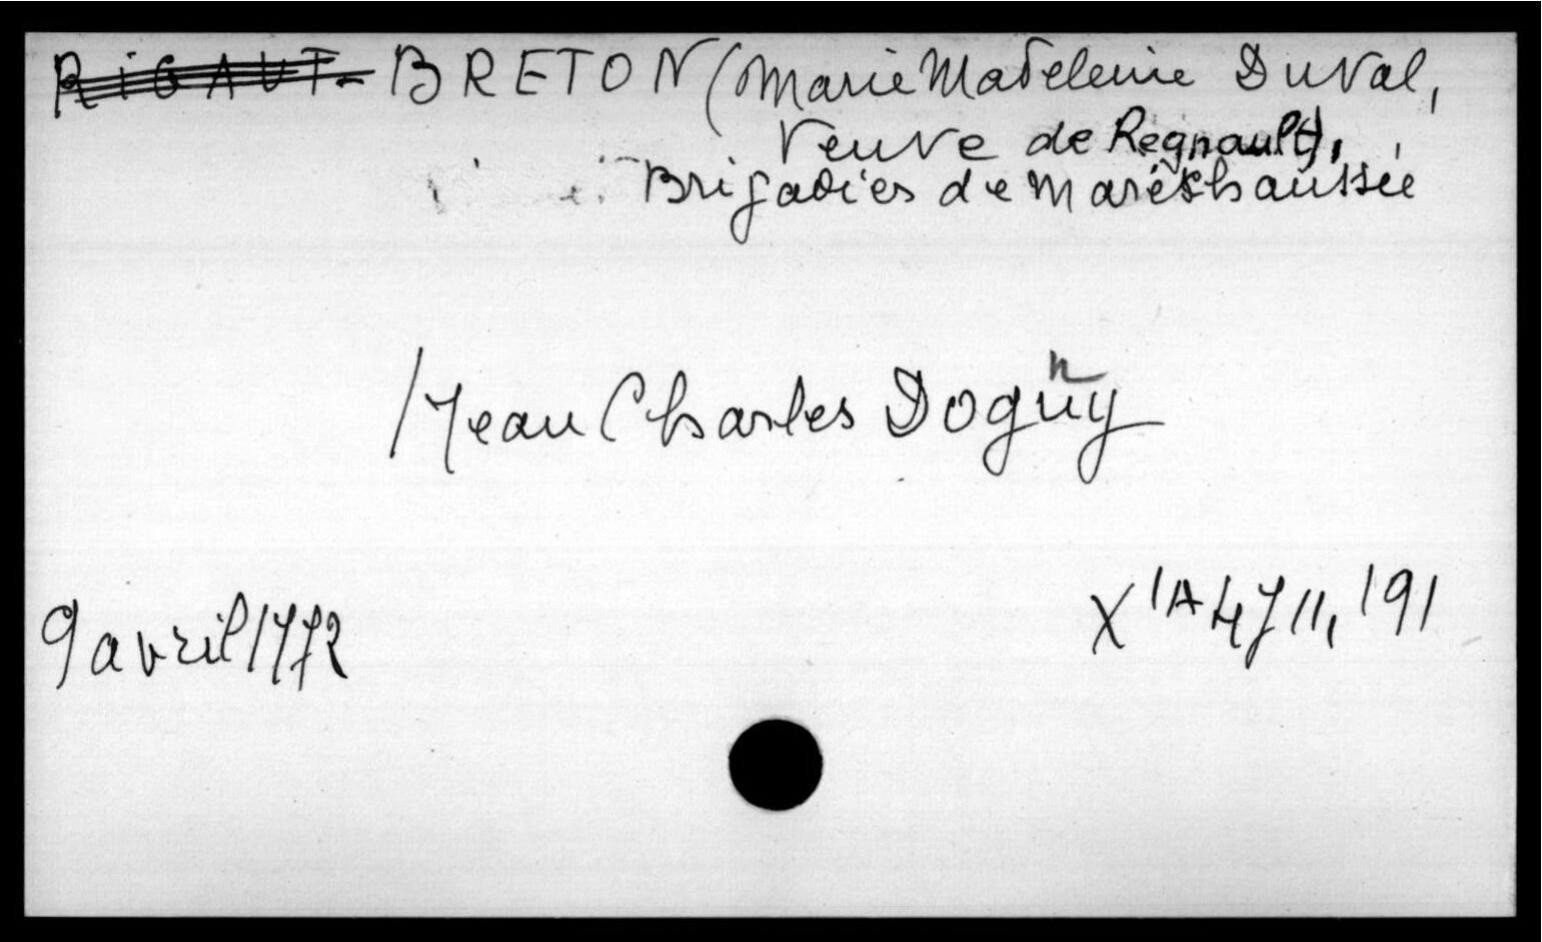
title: BRETON (Marie Madeleine Duval, veuve de Regnault), brigadier de maréchaussée
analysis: Contre Jean Charles Dogny
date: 9 avril 1772
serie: X1A
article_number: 4711
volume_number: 191
